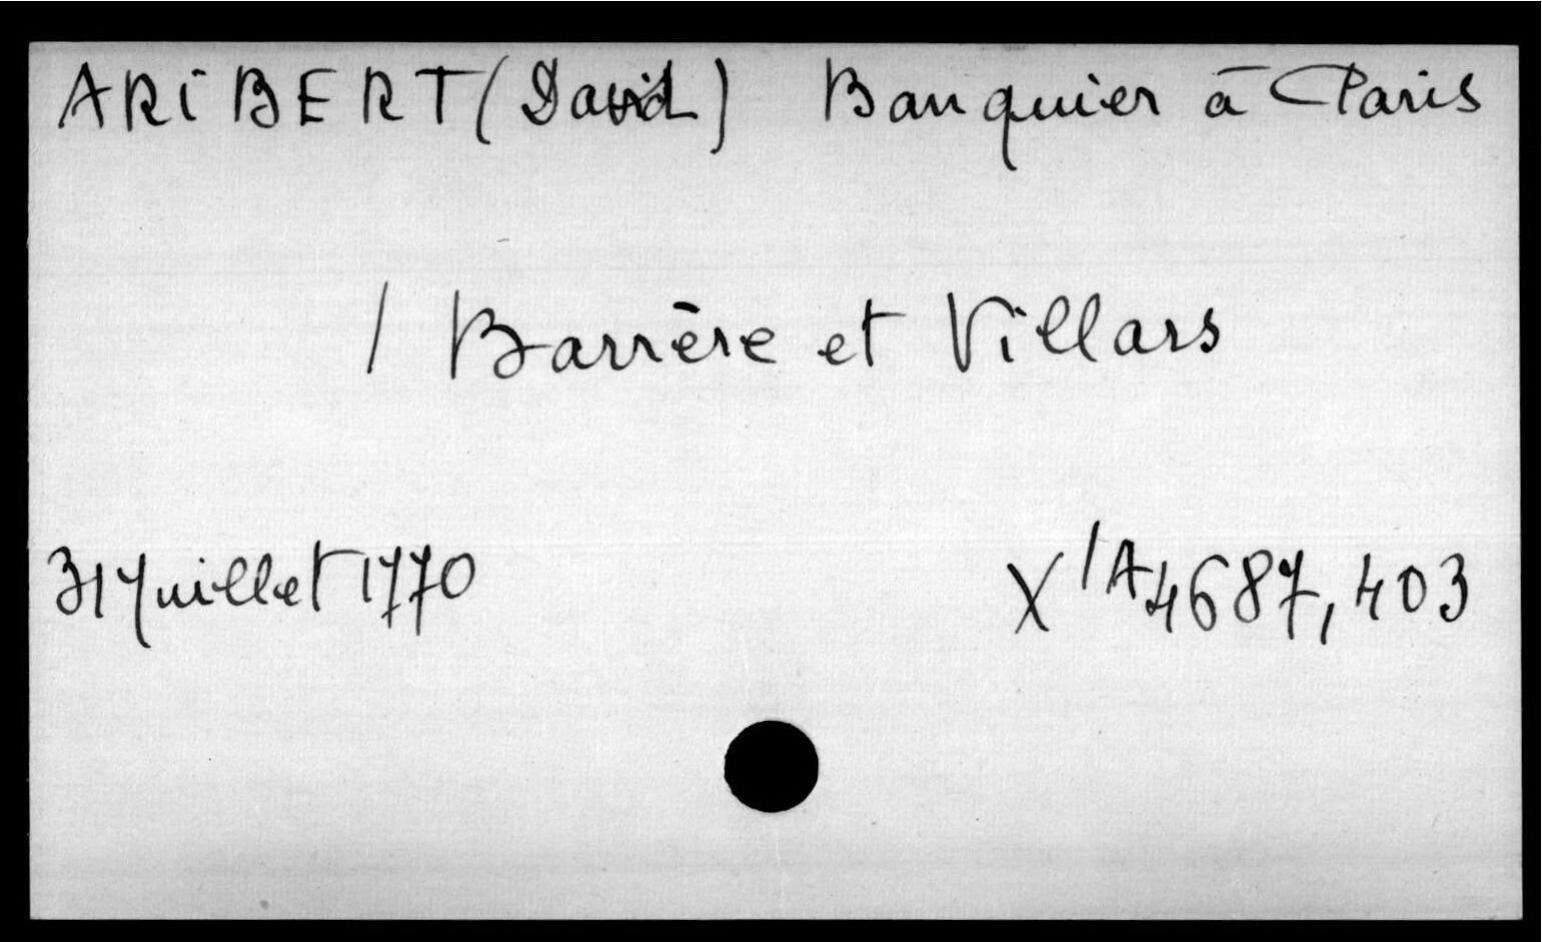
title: ARIBERT (David) Banquier à Caris
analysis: Contre Barrère et Villars
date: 31 juillet 1770
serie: X1A
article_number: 4687
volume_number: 403
